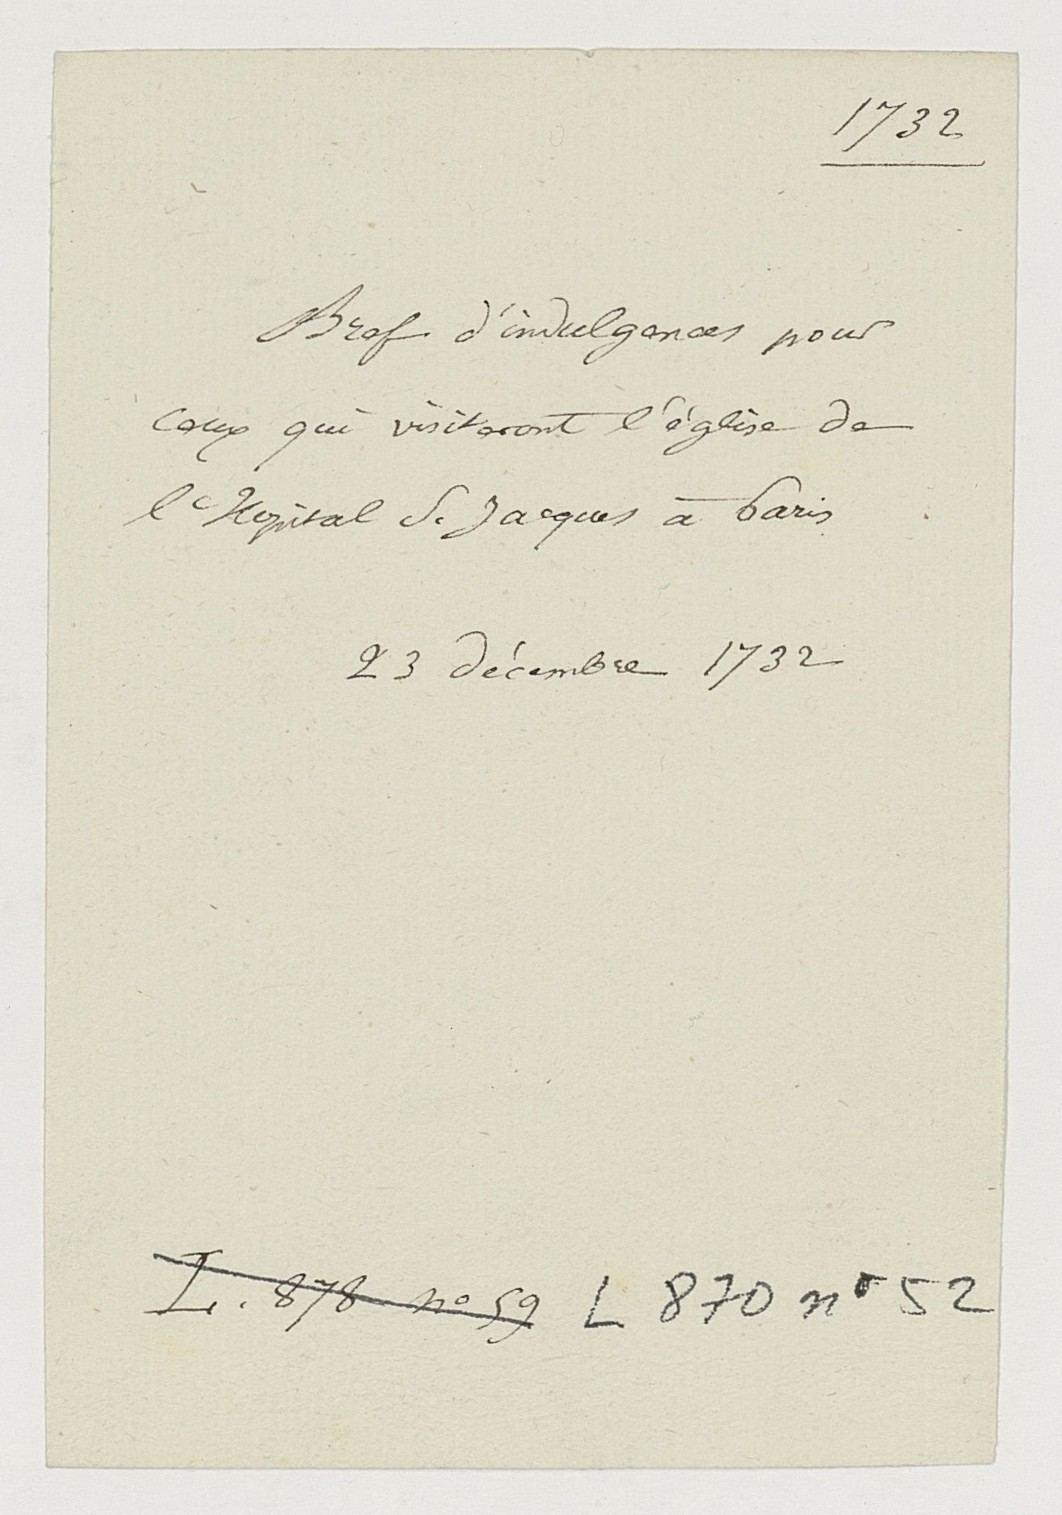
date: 1732
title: Bref d'indulgences pour ceux qui visiteront l'église de l'Hopital Saint-Jacques à Paris
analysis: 23 décembre 1732
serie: L
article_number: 870
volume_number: n° 52
